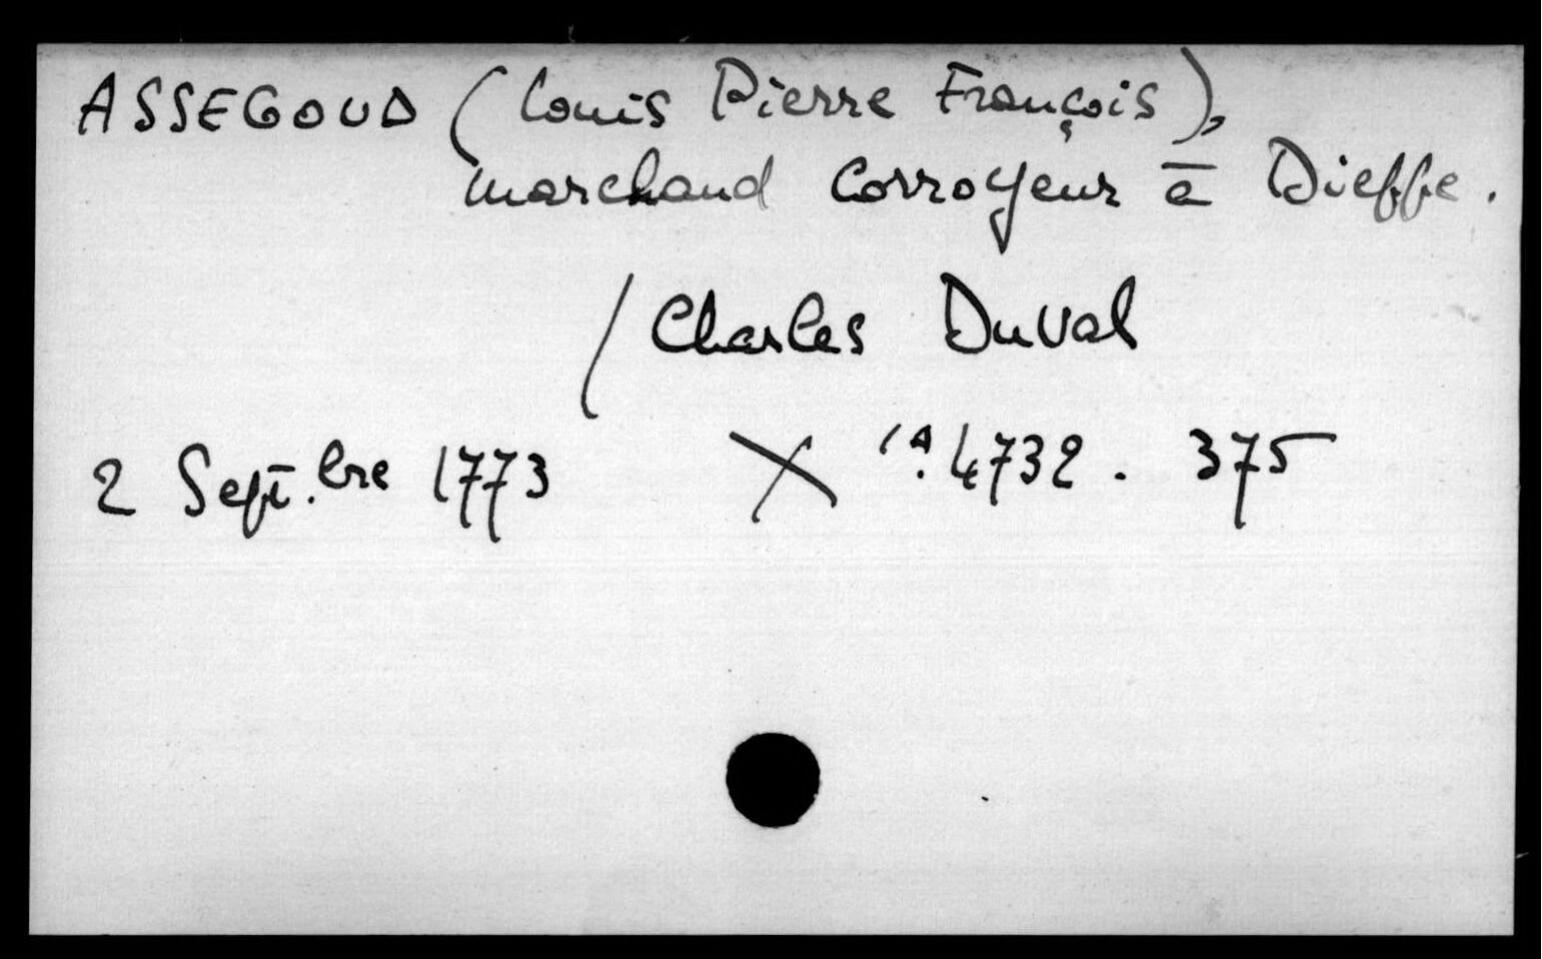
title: ASSEGOUD (Louis Pierre François), marchand corroyeur à Dieppe
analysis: Contre Charles Duval
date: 2 septembre 1773
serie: X1A
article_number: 4732
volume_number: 375
